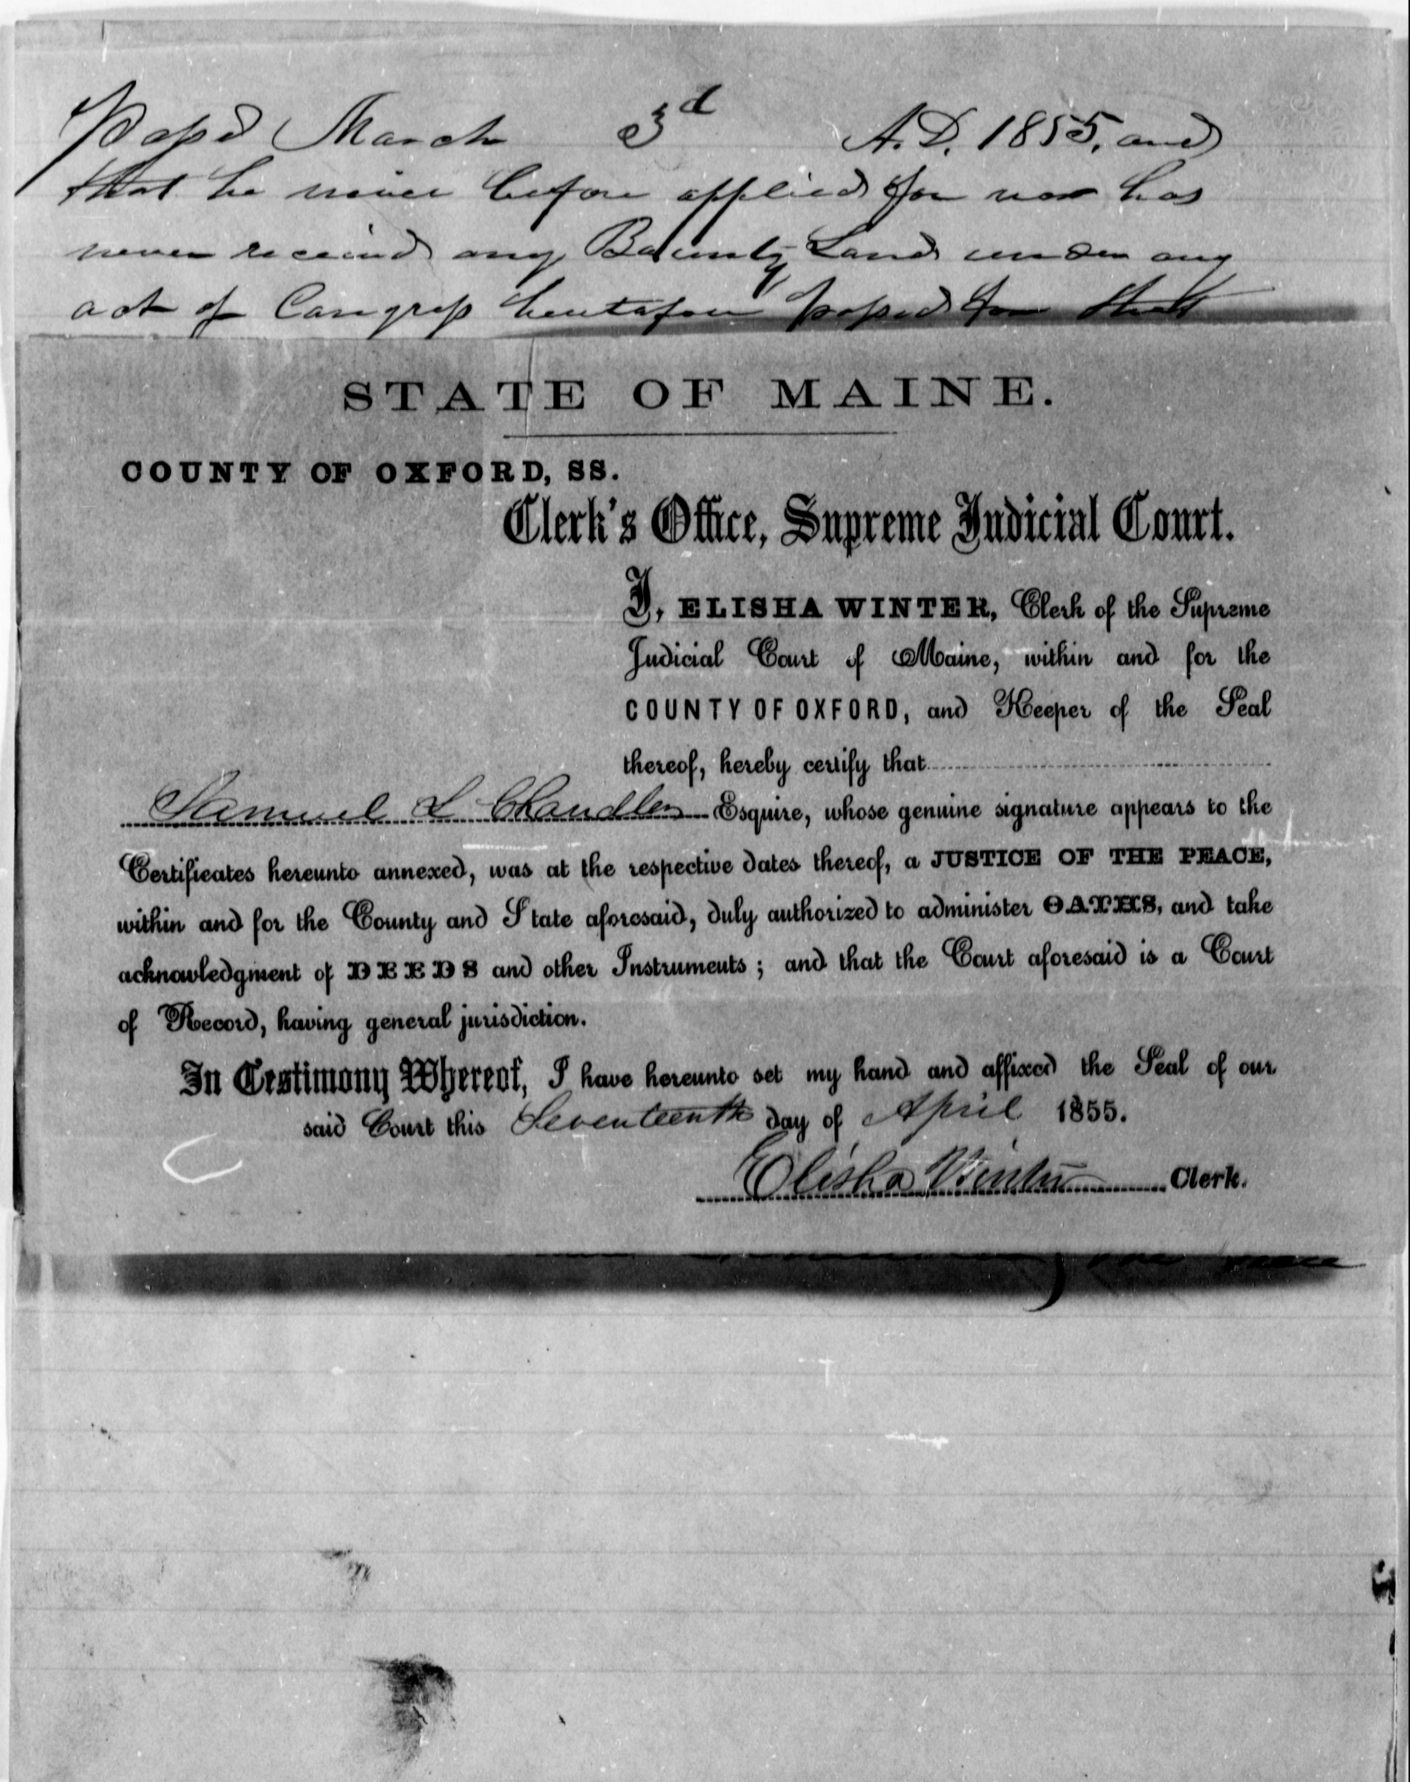...
Papered March 3rd, A.D. 1855, and that he never before applied nor has never received any Bounty Land under any Act of Congress hereto for papered for that's 
[the rest in covered by the following document on top]

STATE OF MAINE.
____________________
COUNTY OF OXFORD, SS.
Clerk's Office, Supreme Judicial Court.

I, ELISHA WINTER, Clerk of the Supreme Judicial Court of Maine, within and for the COUNTY OF OXFORD, and Keeper of the Seal thereof, hereby certify that --------------------
Samuel L. Chandler, Esquire, whose genuine signature appears to the Certificates hereunto annexed, was at the respective dates thereof, a JUSTICE OF THE PEACE, within and for the County and State aforesaid, duly authorized to administer OATHS, and take acknowledgement of DEEDS and other Instruments; and that the Court aforesaid is a Court of Record, having general jurisdiction.
In Testimony Whereof, I have hereunto set my hand and affixed the Seal of our said Court this Seventeenth day of April, 1855.
[SIGNED: Elisha Winter] Clerk.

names: Samuel L Chandler, Elisha Winter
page: 16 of 86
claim: survivor's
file: S 29,568, Isaac Abbot, Mass